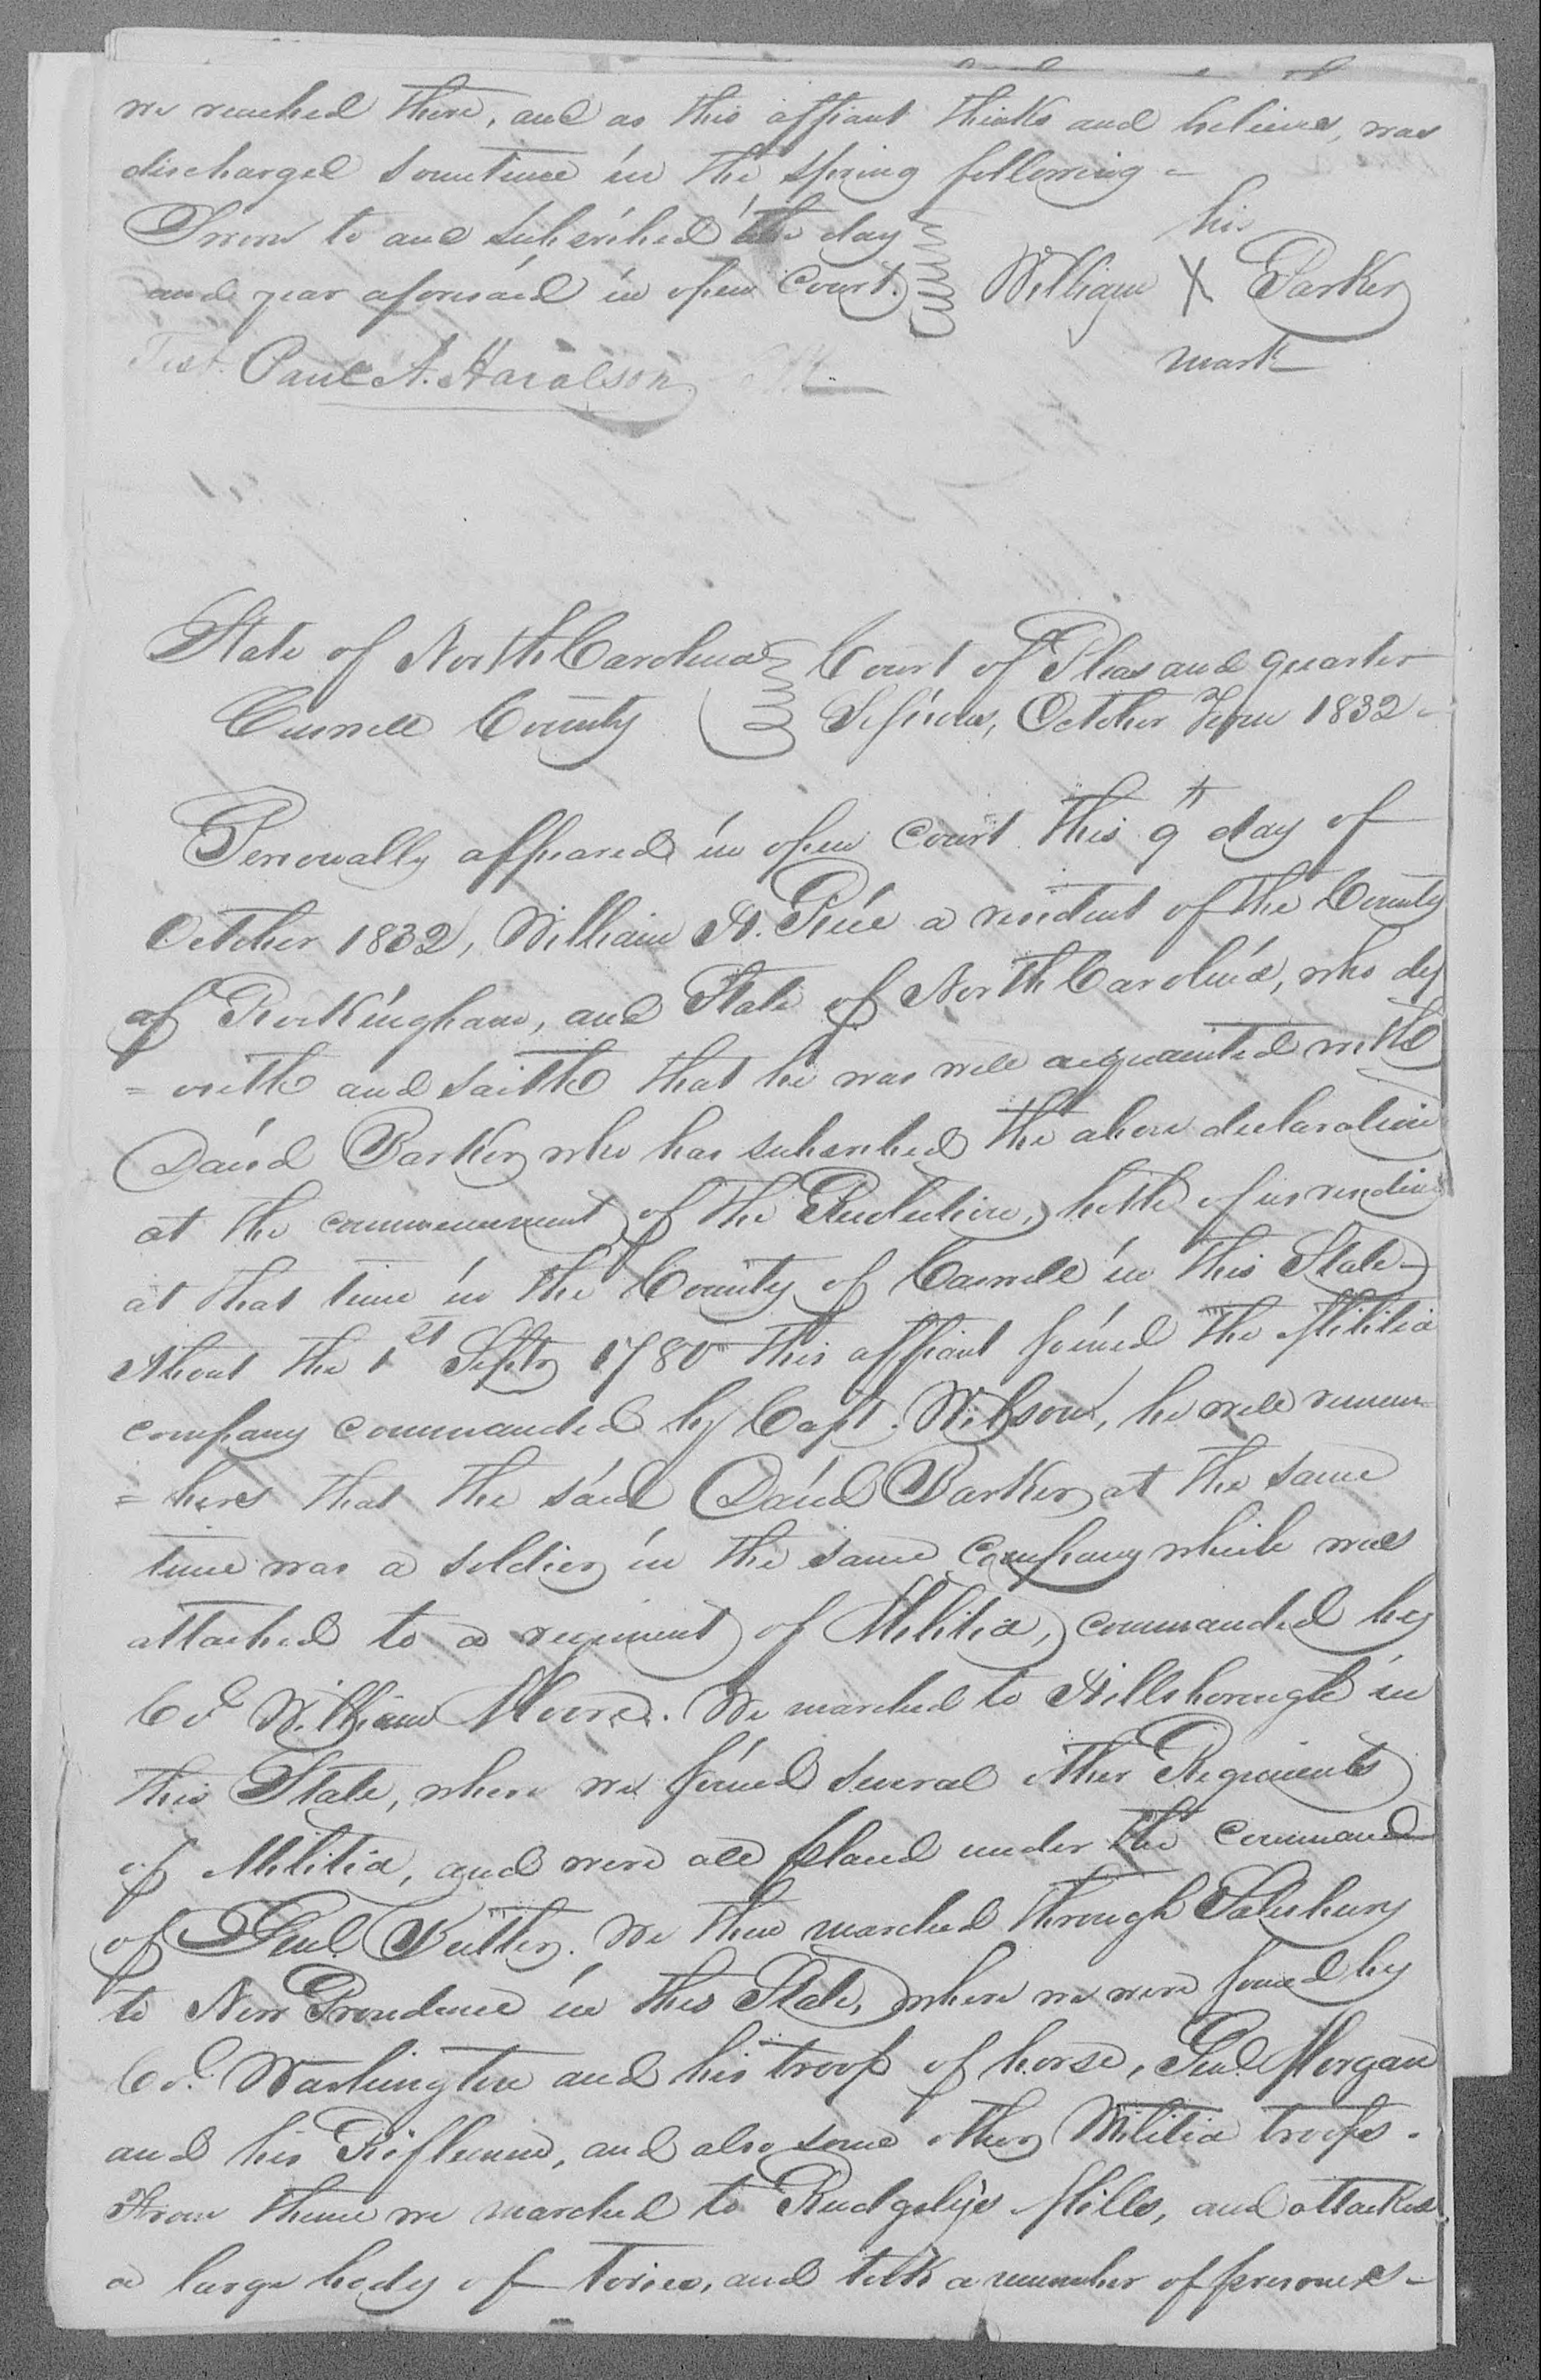we marched there, and as this affiant thinks and believes, was discharged sometime after we spring following. - 
Sworn to and subscribed the day}
and year aforesaid in open Court}
Test: Paul A. Haralson, Clk
William [his x mark] Parker

State of North Carolina]
Caswell County] Court of Pleas and Quarter Sessions, October term 1832 
Personally appeared in open Court this 9th day of October 1832, William H. Rice a resident of the County of Rockingham, and State of North Carolina, who deposeth and saith that he was well acquainted with David Barker who has subscribed the above declaration at the commencement of the Revolution, both of us residing at that time in the County of Caswell in this State – About the 1st of Sept 1780 this affiant joined the Militia company commanded by Capt [Captain] Wilson, he well remembers that the said David Barker at the same time was a soldier in the same company which was attached to a Regiment of Militia, commanded by Col [Colonel] William Moore. We marched to Hillsborough in this State where we joined several other Regiments of Militia, and were all placed under the command of Genl [General] Butler. We then marched through Salisbury to New Providence in this State, where we were joined by Col [Colonel] Washington and his troop of horse, Genl [General] Morgan and his Riflemen, and also some other Militia troops. From thence we marched to Rugeley's Mills, and attacked a large body of Tories, and took a number of prisoners.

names: William H Rice, Washington, William Moore, Wilson, Butler, William Parker, David Barker, Morgan, David Barker, Paul A Haralson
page: 11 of 23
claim: survivor's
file: S. 6560, David Barker, N.C.